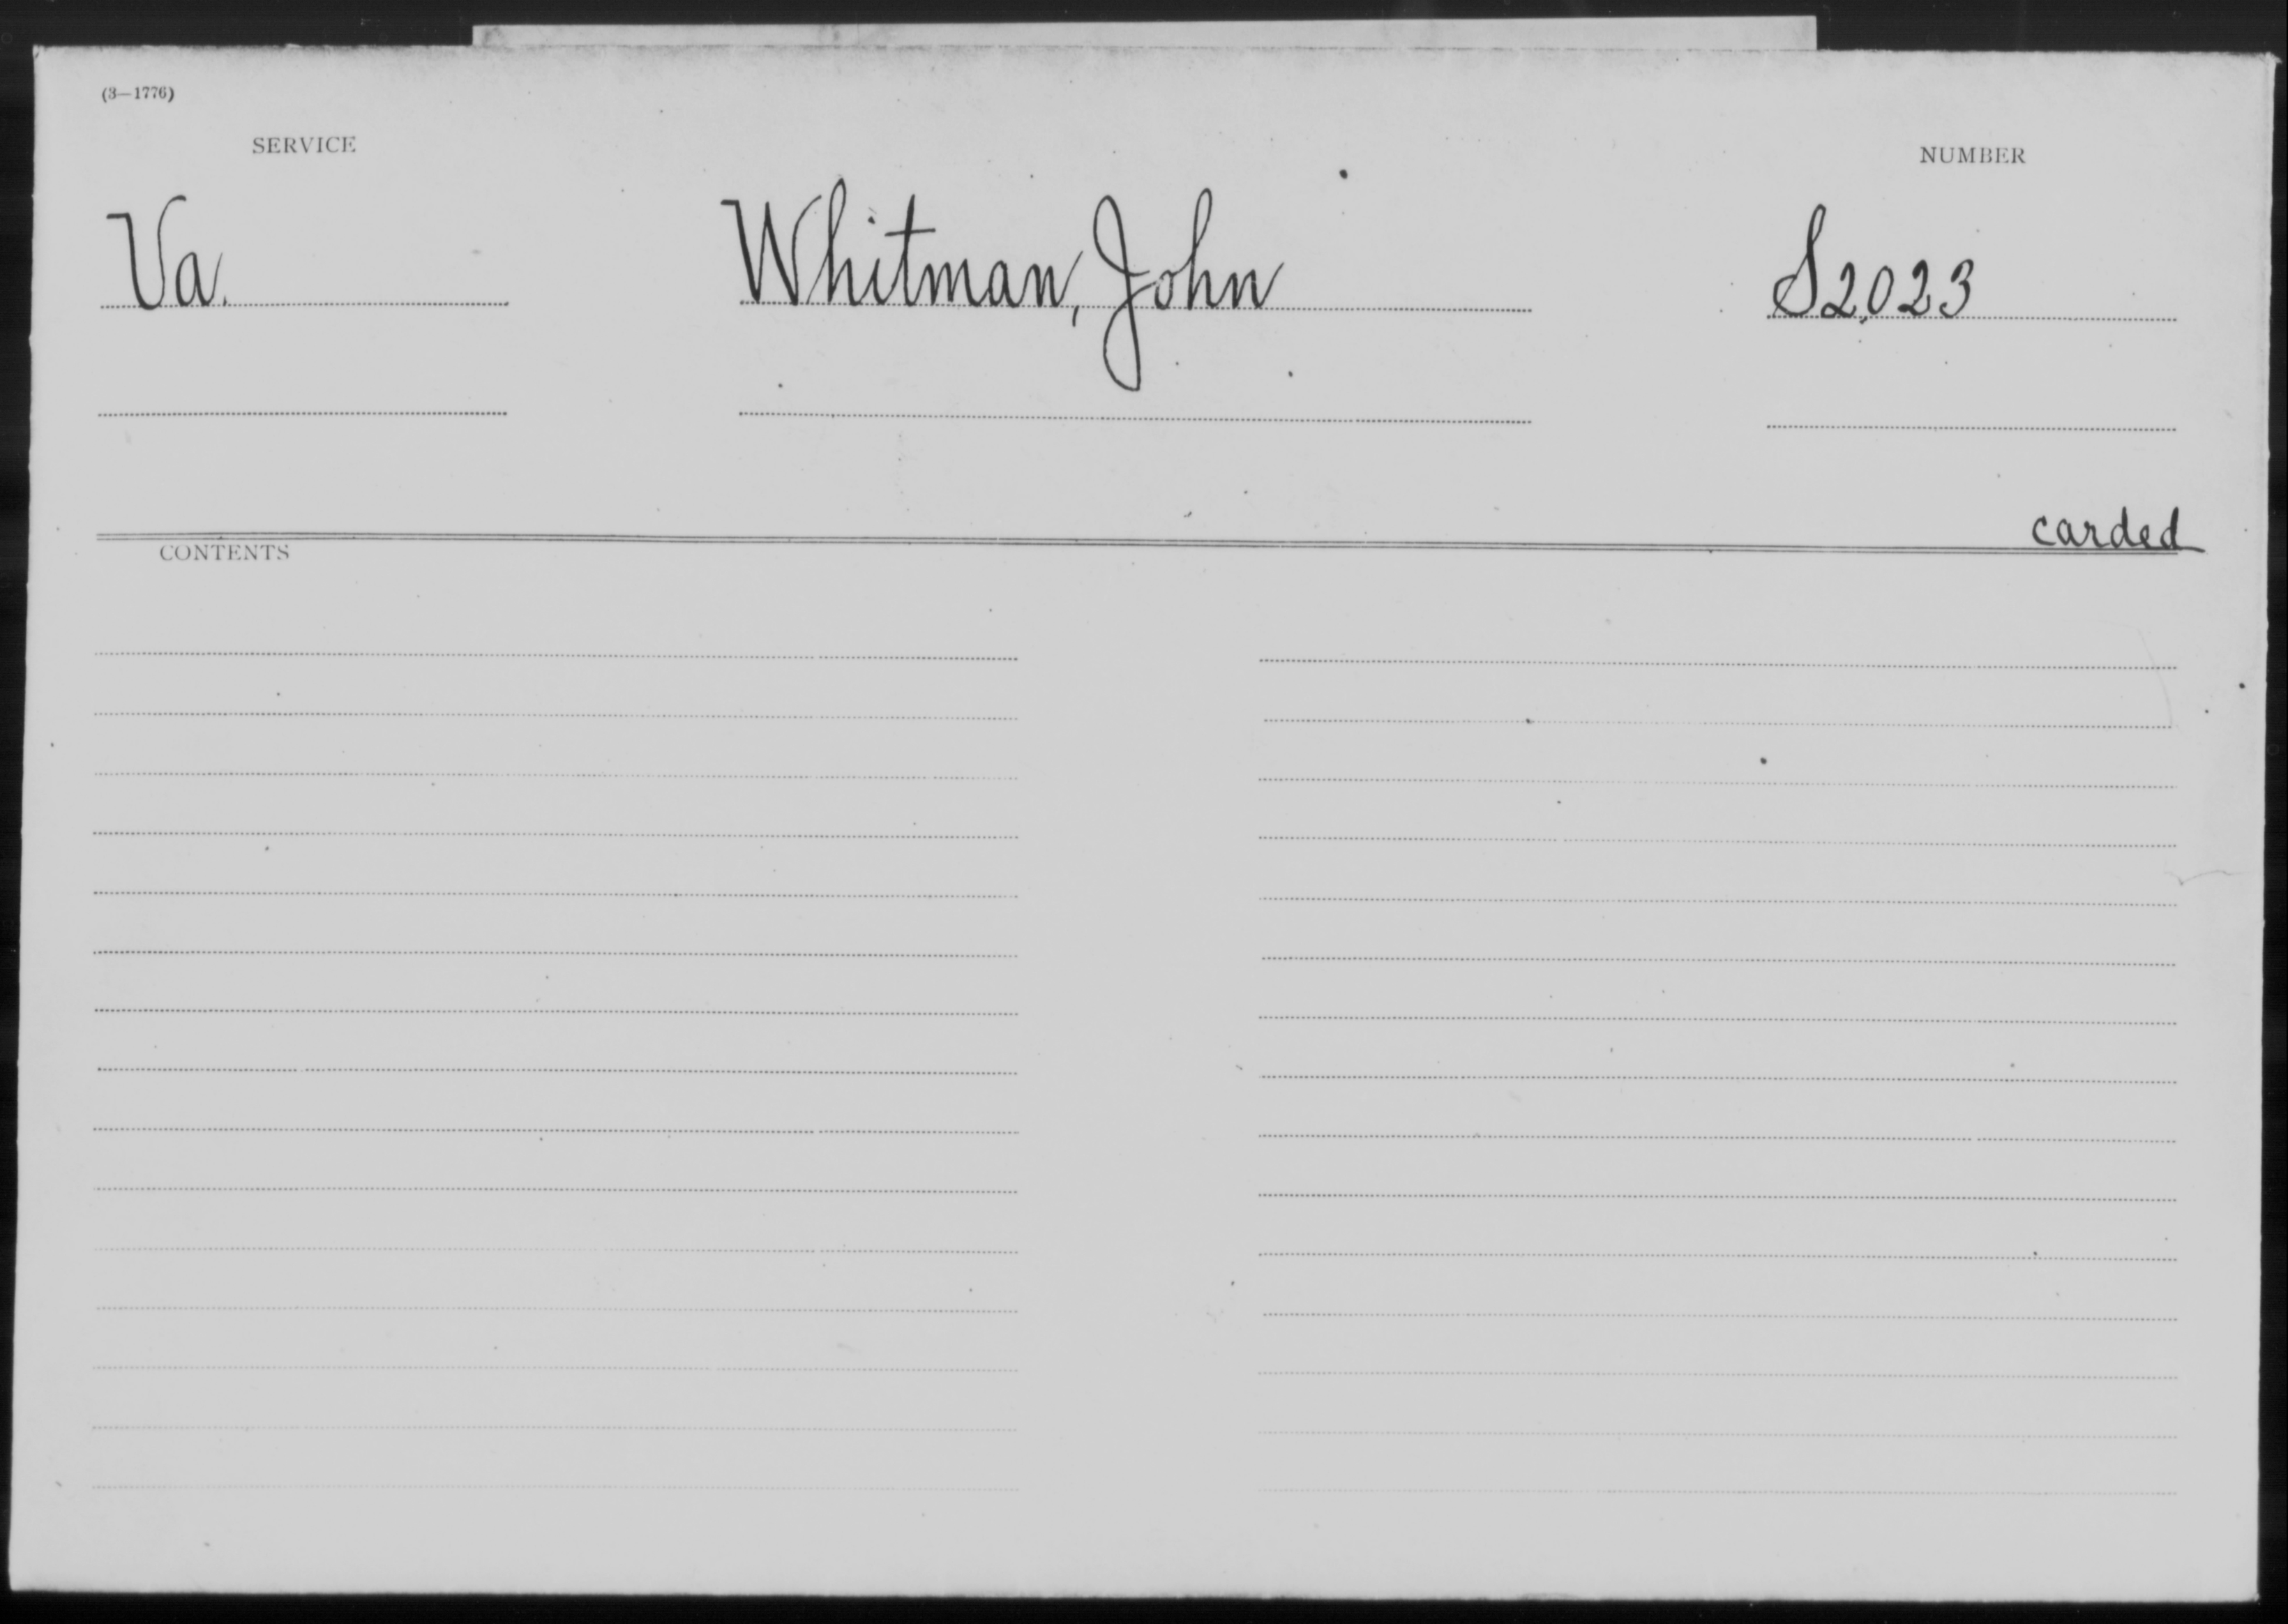SERVICE
Va.
 
Whitman, John

NUMBER
S 2,023

Carded

CONTENTS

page: 1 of 22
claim: survivor's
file: S 2023, John Whitman, Va.